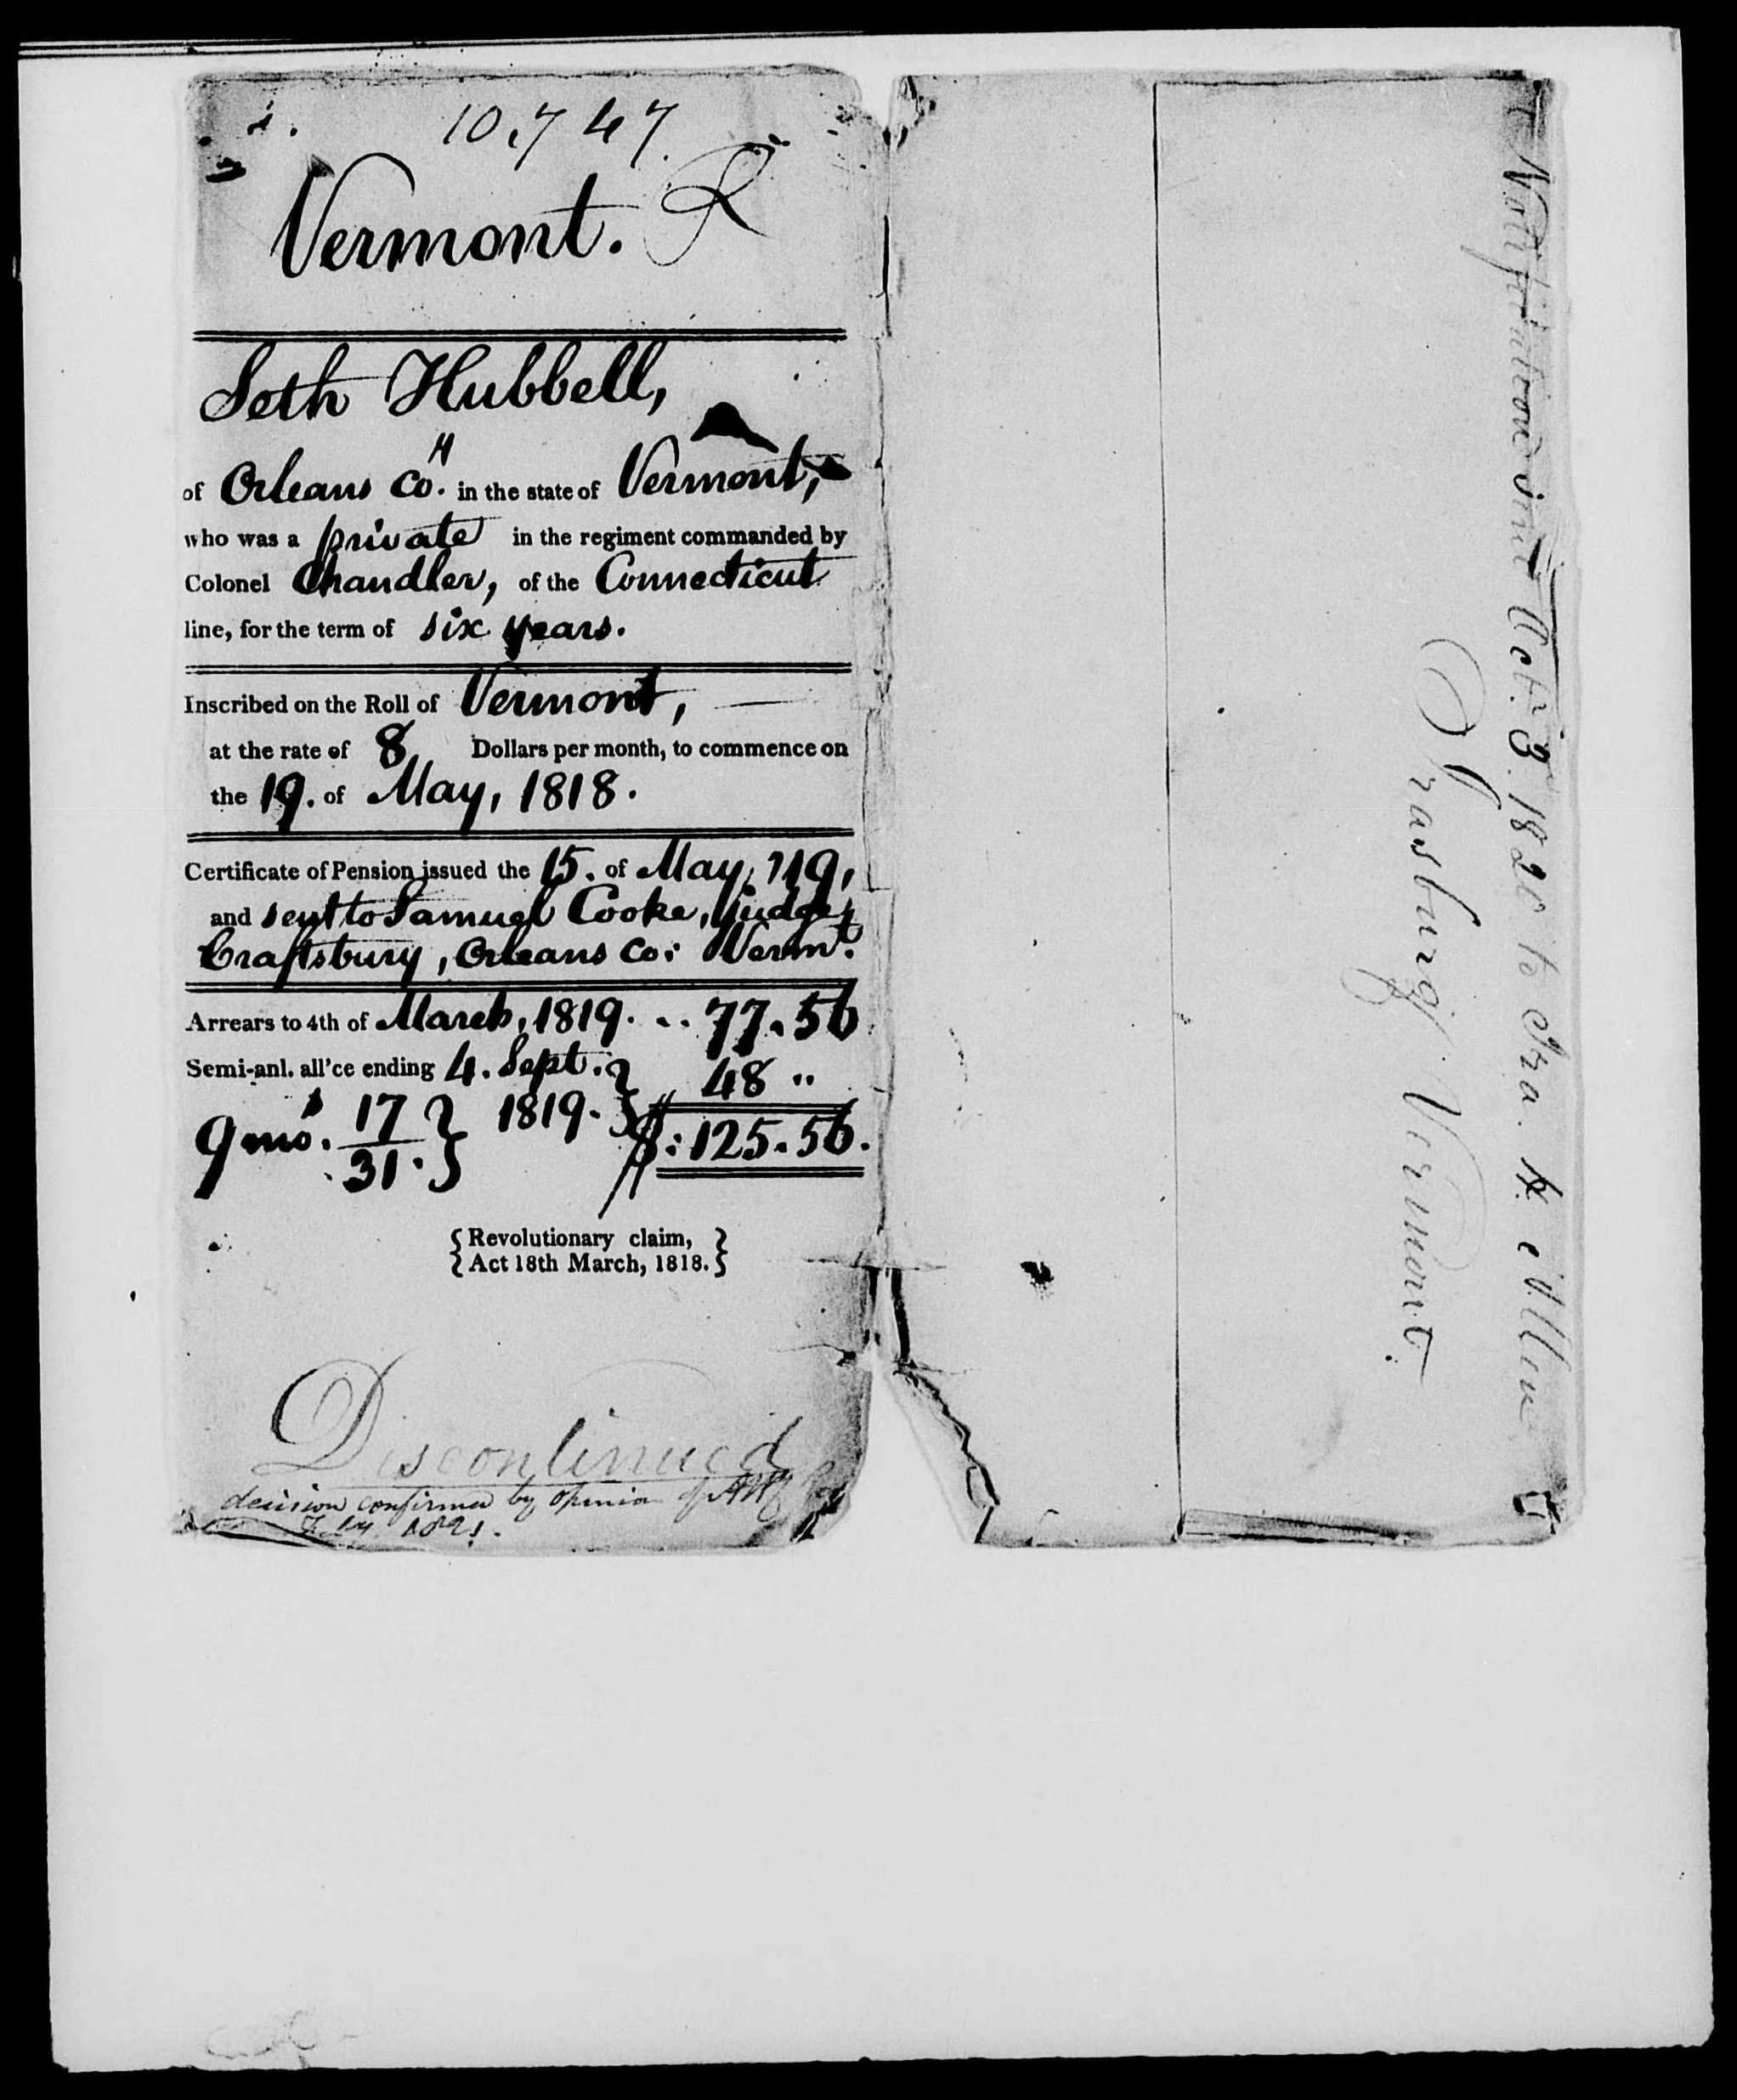10.747
Vermont. R
Seth Hubbell, 
of Orleans Co. in the state of Vermont,
who was a private in the regiment commanded by 
Colonel Chandler, of the Connecticut 
line, for the term of six years.
Inscribed on the Roll of Vermont, 
at the rate of 8 Dollars per month, to commence on
the 19. of May, 1818.
Cerfificate of Pension issued the 15. of May, '19,
and sent to Samuel Cooke, judge
Craftsbury, Orleans Co. Vermt.
Arrears to 4th of March, 1819. -- 77.56
Semi-anl. all'ce ending 4, Sept. 1819  48..
June $17/31
$125.56
{Revolutionary claim,
Act 18th March, 1818.}
Discontinued
decision confirmed by opinion of AWf Re
uninteligible[perhaps July?]
Notified above on Oct. 3, 1820 to Ira. H. Allen
Irasburg, Vermont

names: Chandler, Samuel Cooke, Ira H Allen, Seth Hubbell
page: 2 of 114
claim: widow's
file: W. 2115, Seth Hubbell, Conn.